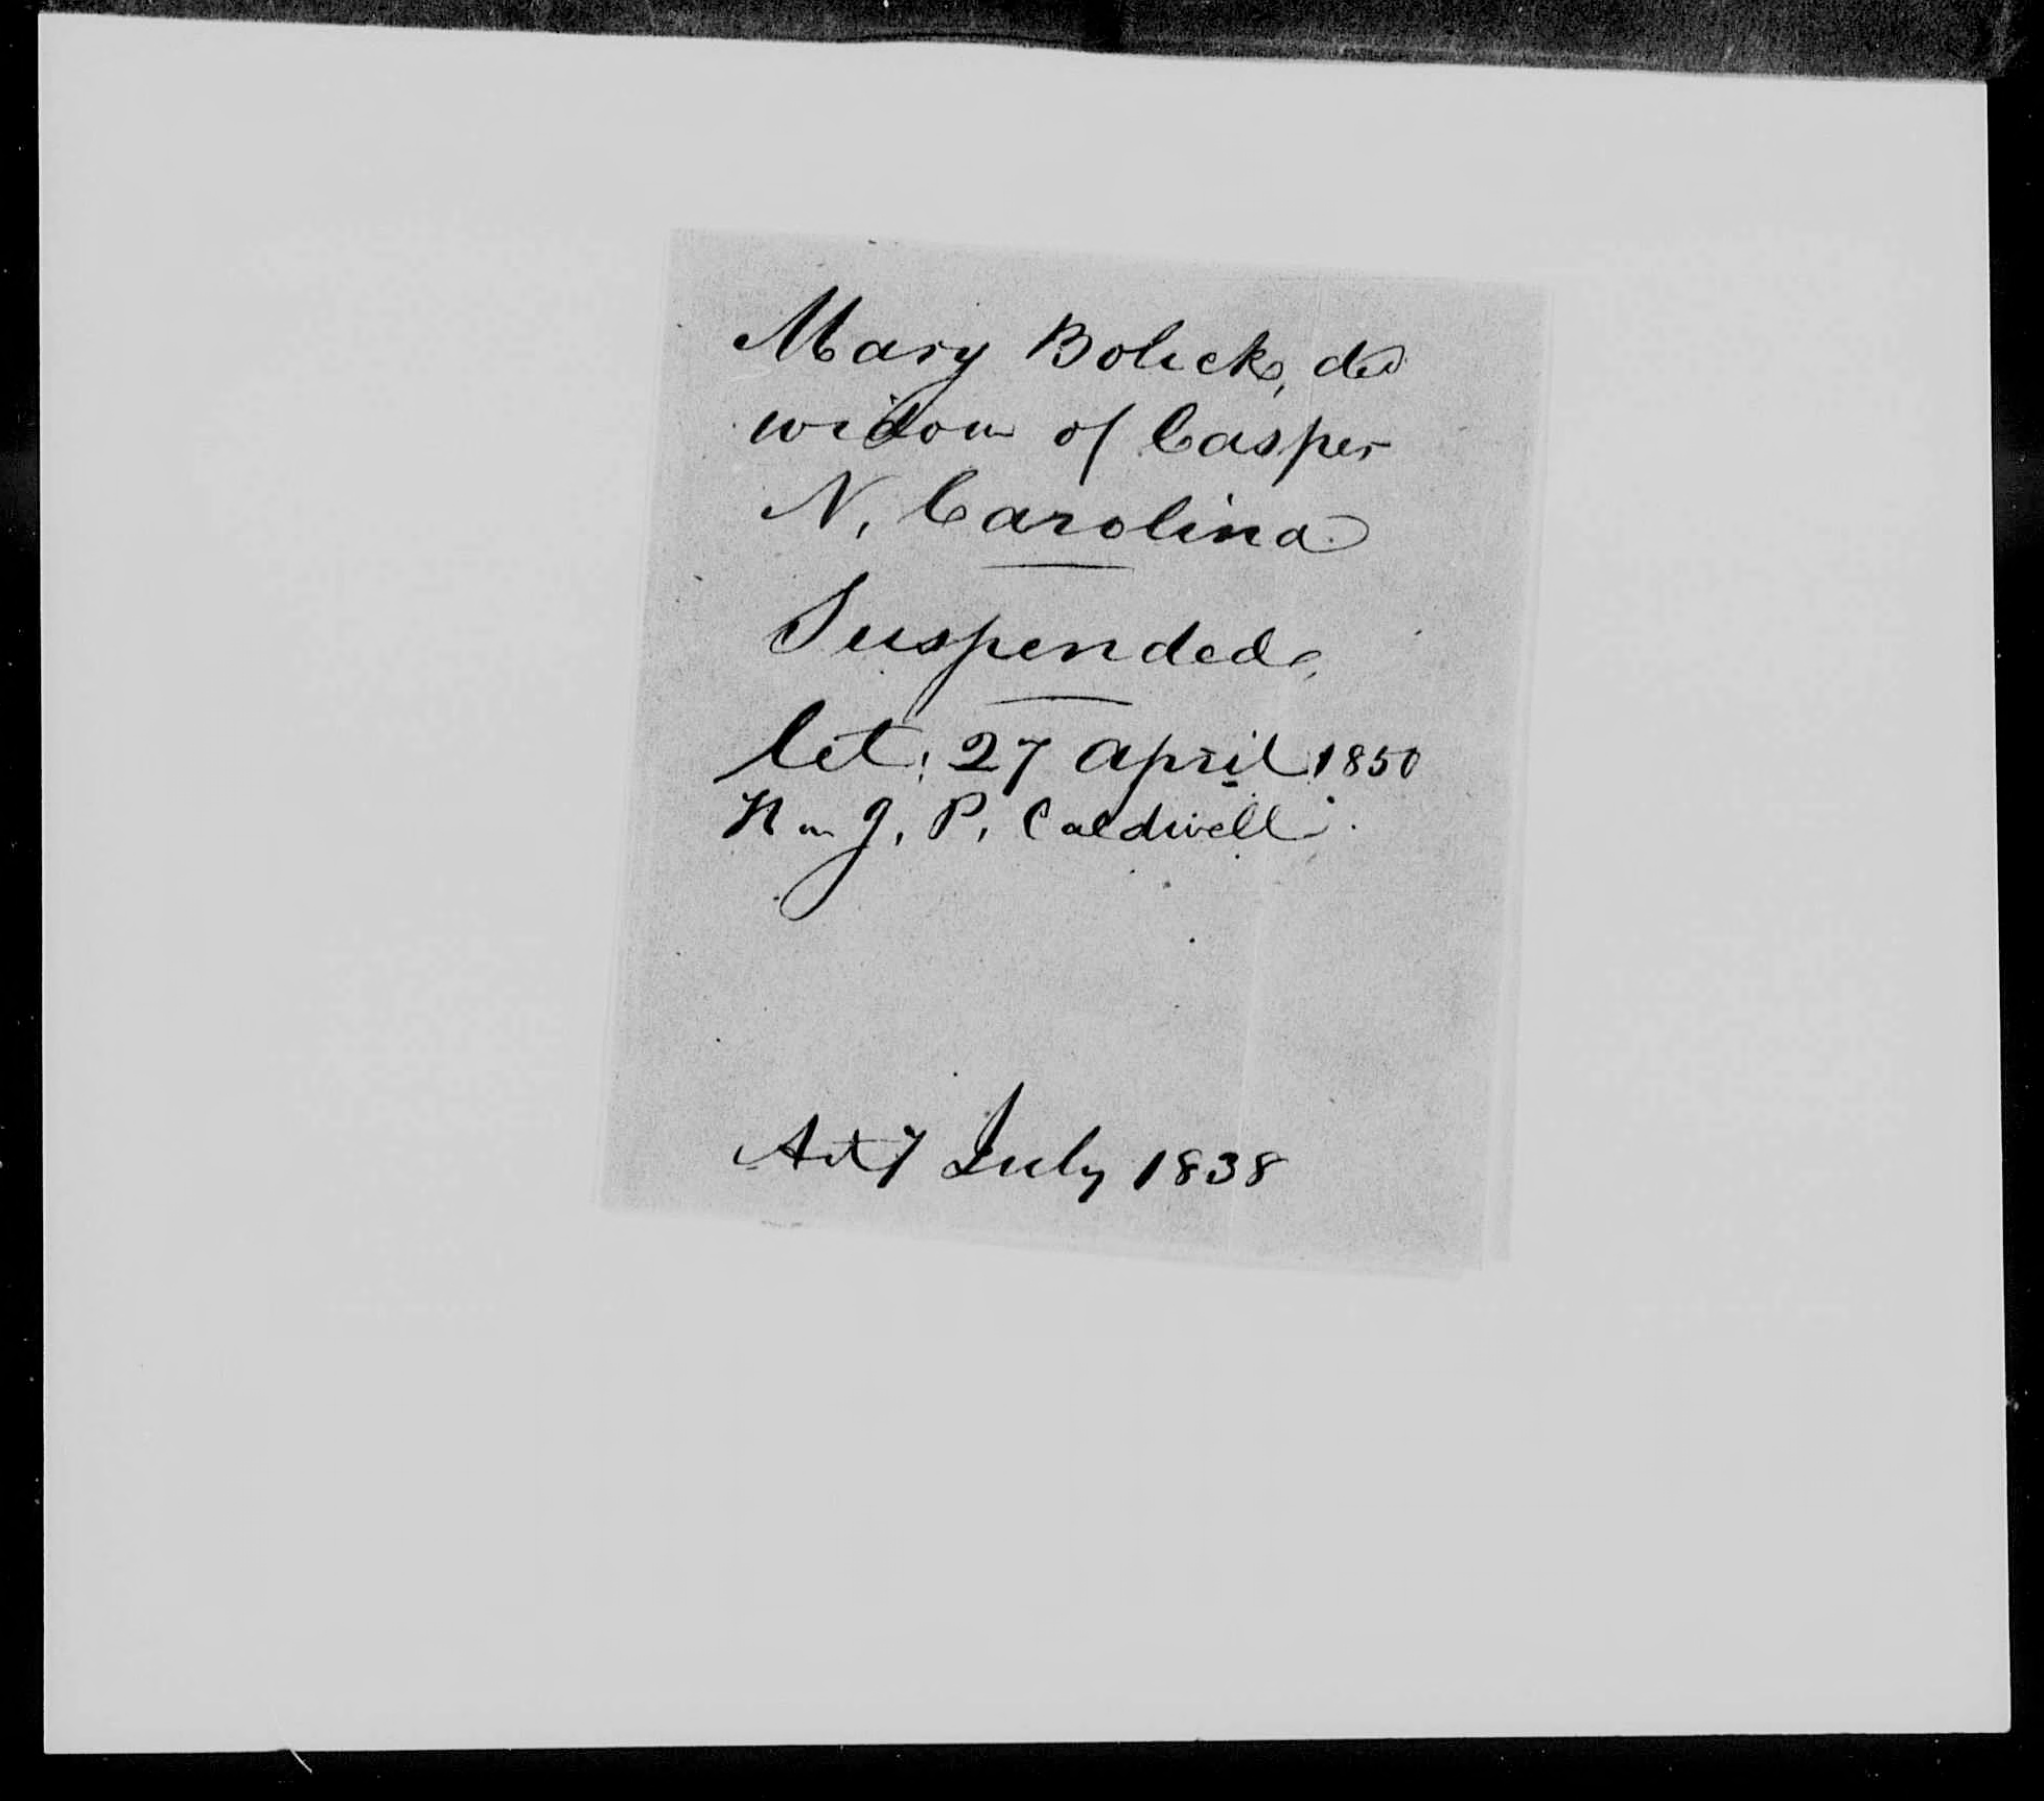Mary Bolick, dec'd.
widow of Casper
N, Carolina
Suspended
let 27 April 1850
Hon. J. P Caldwell

Act of July 1838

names: J P Caldwell, Casper Bolick, Mary Bolick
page: 21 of 43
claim: widow's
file: W. 18,566, Casper Bolick, N.C.